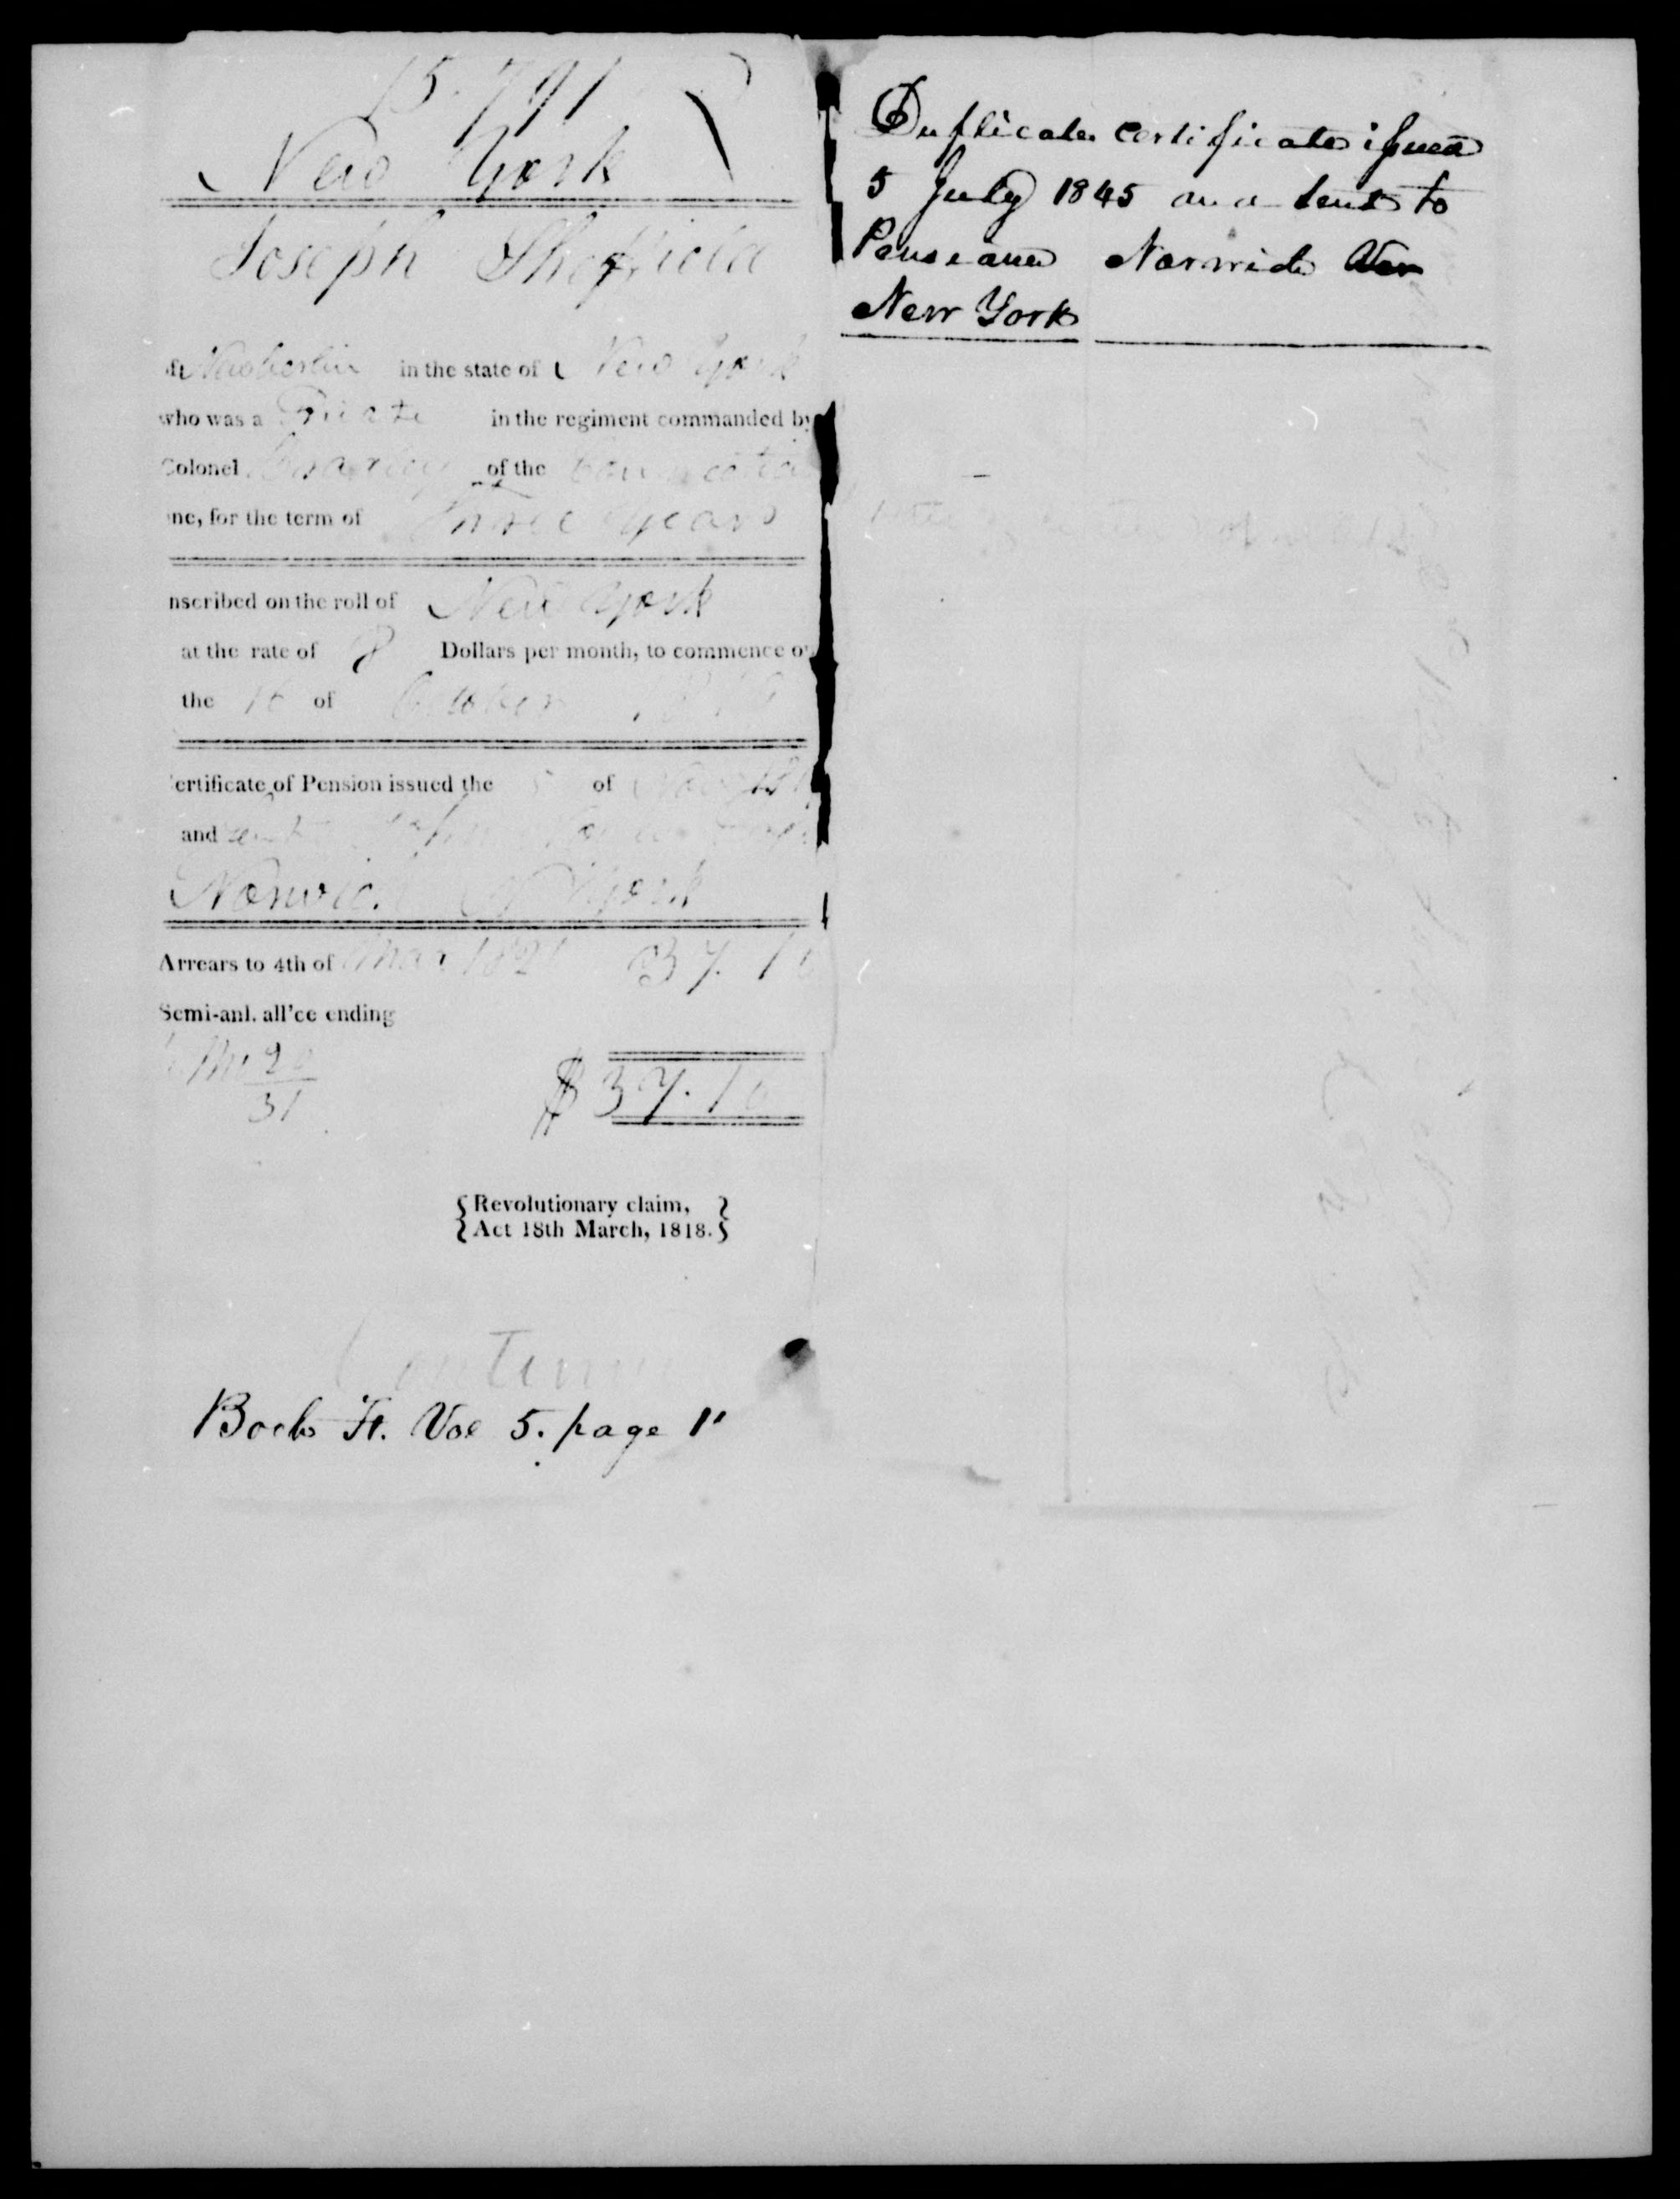15,791
New York
Joseph Sheffield of Newberlin[?] in the state of New York who was a Private in the regiment commanded by Colonel [illegible] of the Connecticut line, for the term of Three years
Inscribed on the roll of New York at the rate of 8 Dollars per month, to commence on the 1 of October 18[?]
Certificate of Pension issued the 5 of Nov [?] and sent [illegible] Norwich N. York
Arrears to 4th of Mar 1821   37.10
Semi-anl. all'ce ending [illegible] 20/31
$37.10
{Revolutionary claim,}
{Act 18th March, 1818.}
Book F[?] Vol 5 page 11[?]




Duplicate certificate issued 5 July 1845 and sent to Pensioner [illegible] New York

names: Joseph Sheffield; [BLANK] [ILLEGIBLE]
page: 2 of 25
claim: survivor's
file: S. 42,272, for Joseph Sheffield, Connecticut